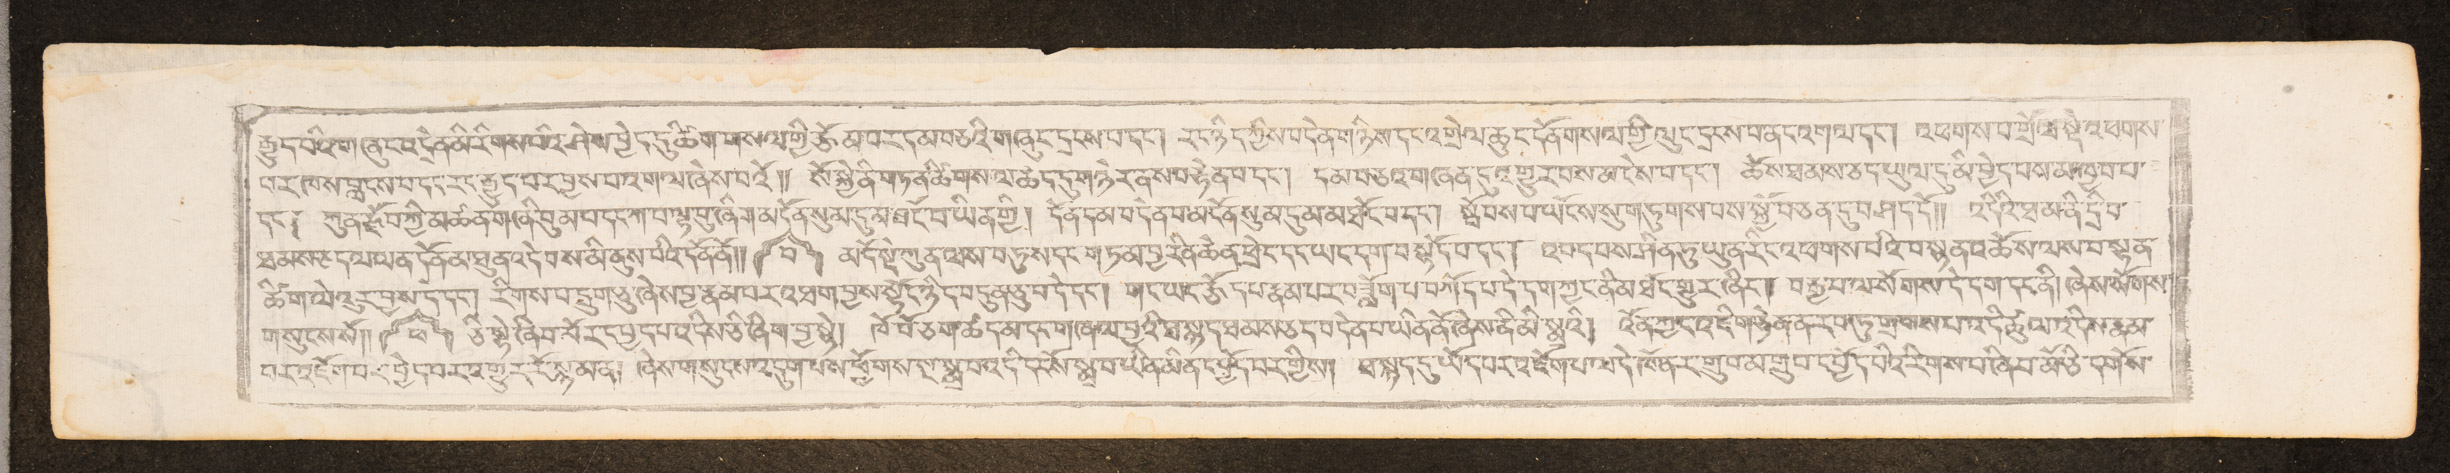རྒྱུད་པའི་གཞུང་འདྲེན་མི་རིགས་པའི་ཤེས་བྱེད་དུ་ཚིག་གསལ་གྱི་རྩོམ་པར་དམ་བཅའི་གཞུང་དྲངས་པ་དང་། རང་ཉིད་ཀྱིས་བདེན་གཉིས་དང་འགྲེལ་ཆུང་དན་གསལ་གྱི་ལུང་དྲངས་པ་ནང་འགལ་དང་། འཕགས་པ་གྲོལ་སྡེ་འཕགས་
པར་ཁས་བླངས་པ་དང་རང་རྒྱུད་པར་བྱས་པ་འགལ་ཞེས་པའོ།། སོ་སྐྱེ་ནི་གཏན་ཚིགས་ལ་ཚད་དུ་གཉེར་ནས་བརྟེན་པ་དང་། དམ་བའ་གཞན་དུ་འགྱུར་བས་མ་ངེས་པ་དང་། ཆོས་ཐམས་ཅད་ཡུལ་དུ་མི་བྱེད་པས་མཁྱབ་པ་
དང༑ ཀུན་རྫོབ་ཀྱི་མཚན་གཞི་བུམ་པ་དང་ཀ་བ་ལྟ་བུ་ཞིག་མངོན་སུམ་དུ་མཐོང་བ་ཡིན་གྱི། དོན་དམ་བདེན་པ་མངོན་སུམ་དུ་མ་མཐོང་བ་དང་། སྦོབས་པ་ཡོངས་སུ་གཏུགས་པས་སྐྱོ་བ་ཅན་དུ་བཤད་དོ།། འདིའི་ཐམ་ནི་དྲི་བ་
ཐམས་ཅད་ལ་ལན་དོན་མཐུན་འདེབས་མི་ནུས་པའི་དོན་ནོ།། ༼༽པ༼༽ མདོ་སྡེ་ཀུན་ལས་བཏུས་དང་གཏམ་བྱ་རིན་ཆེན་ཕྲེང་དང་ཡང་དག་བསྟོད་བ་དང་། འབད་པས་ཤིན་ཏུ་ཡུན་རིང་འཕགས་པའི་བསྟན་འཆོས་ལས་བསྟན་
ཚིག་ལེའུར་བྱས་དེ་དང་། རིགས་པ་དྲུག་ཅུ་ཞེས་བྱ་རྣམ་པར་འཐག་བྱས་སྟོང་ཉིད་བདུན་ཅུ་པ་དེ་དང་། གང་ཡང་རྩོད་པ་རྣམ་པར་བཟློག་པ་བཀོད་པ་དེ་དག་ཀྱང་ནི་མཐོང་གྱུར་ཞིང་། བརྒྱ་པ་ལ་སོགས་དེ་དག་དང་ནི། ཞེས་སོགས་
གསུངས་སོ།། ༼༽ཕ༼༽ ཅི་སྟེ་ཞིབ་མོར་དཔྱད་པ་འདིས་ཅི་ཞིག་བྱ་སྟེ། ཁོ་བོ་ཅག་ཚད་མ་དང་གཞལ་བྱའི་ཐ་སྙད་ཐམས་ཅད་བདེན་པ་ཡིན་ནོ་ཞེས་ནི་མི་སྨྲའི། འོན་ཀྱང་འཇིག་རྟེན་ན་རབ་ཏུ་གྲགས་པ་འདི་ཚུལ་འདིས་རྣམ་
པར་འཇོག་པར་བྱེད་པར་འགྱུར་རོ་སྙམ་ན། ཞེས་གསུངས་འདུག་པས་ཕྱོགས་སྔ་སྨྲ་བ་འདི་དངོས་སྨྲ་བ་ཡིན་མིན་དཔྱོད་པར་གྱིས། ཐ་སྙད་དུ་ཡོད་པར་འཇོག་པ་ལ་དེ་ཁོ་ནར་གྲུབ་མགྲུབ་དཔྱོད་པའི་རིགས་བ་ཞིབ་མོ་ཅི་དགོས་